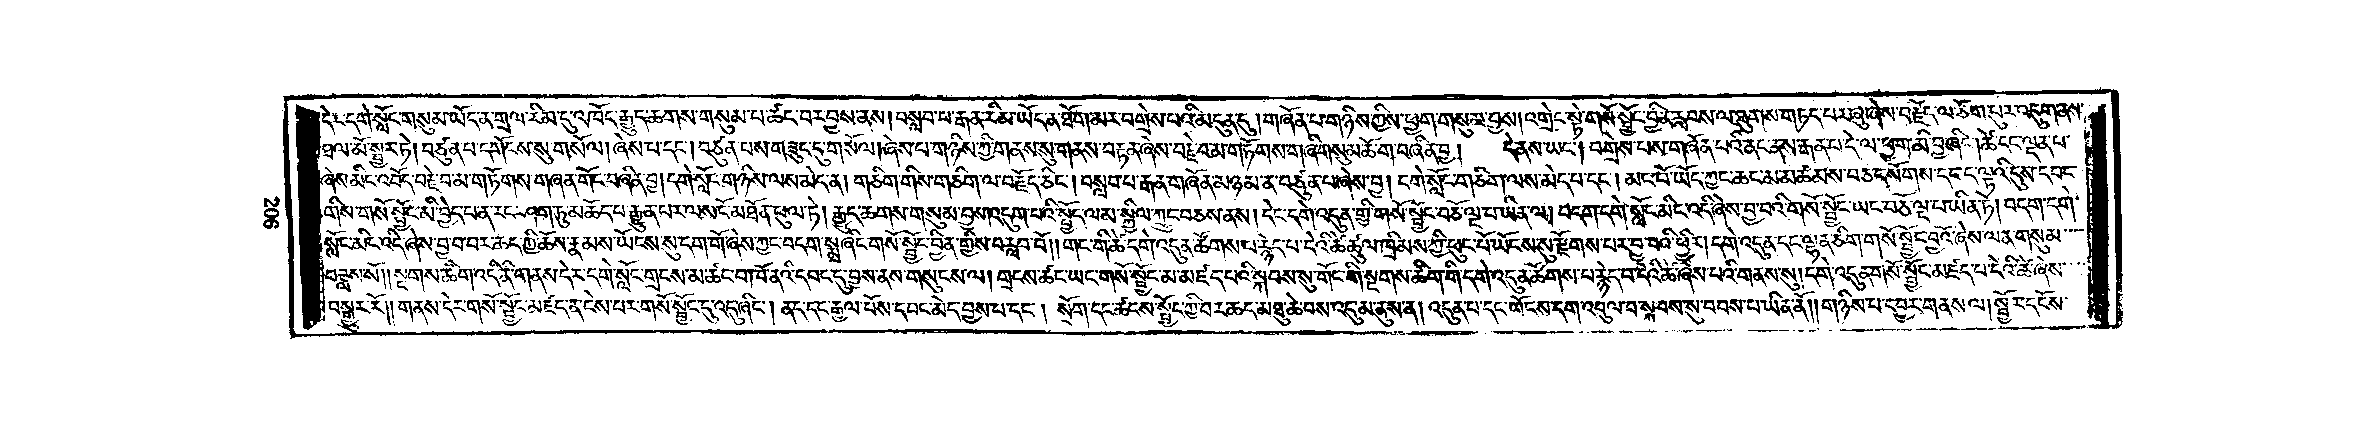དེར་དགེ་སློང་གསུམ་ཡོད་ན་གྲལ་རིམ་དུ་འཁོད་རྒྱུད་ཆགས་གསུམ་པ་ཚང་བར་བྱས་ནས། བསླབ་པ་རྒན་རིམ་ཡོད་ན་ཐོག་མར་བགྲེས་པའི་མདུན་དུ། གཞོན་པ་གཉིས་ཀྱིས་ཕྱག་གསུམ་བྱས། འགྲེང་སྟེ་གསོ་སྦྱོང་བྱིན་རླབས་ལ་ཐུགས་གཏད་པར་ཞུ་ཞེས་བརྗོད་ལ་ཅོག་པུར་འདུག་ནས་
ཐལ་མོ་སྦྱར་ཏེ། བཙུན་པ་དགོངས་སུ་གསོལ། ཞེས་པ་དང་། བཙུན་པས་གཟུང་དུ་གསོལ། ཞེས་པ་གཉིས་ཀྱི་གནས་སུ་གནས་བརྟན་ཞེས་བརྗེ་བ་མ་གཏོགས་གཞི་གསུམ་ཆོ་ག་བཞིན་བྱ། དེ་ནས་ཡང་། བགྲེས་པས་གཞོན་པའི་ནང་ནས་རྒན་པ་དེ་ལ་ཕྱག་མི་བྱ་ཞིང་། ཚེ་དང་ལྡན་པ་
ཞེས་མིང་འབོད་བརྗེ་བ་མ་གཏོགས་གཞན་གོང་བཞིན་བྱ། དགེ་སློང་གཉིས་ལས་མེད་ན། གཅིག་གིས་གཅིག་ལ་བརྗོད་ཅིང་། བསླབ་པ་རྒན་གཞོན་མཉམ་ན་བཙུན་པ་ཞེས་བྱ། དགེ་སློང་གཅིག་ལས་མེད་པ་དང་། མང་པོ་ཡོད་ཀྱང་ཆང་མ་མཚམས་བཅད་སོགས་དང་ད་ལྟའི་དུས་དབང་
གིས་གསོ་སྦྱོང་མི་བྱེད་པ་ན་རང་ཤག་ཏུ་མཆོད་པ་རྒྱུན་པར་ལས་ངོ་མཐོན་ཕུལ་ཏེ། རྒྱུད་ཆགས་གསུམ་བྱས། འདུག་པའི་སྤྱོད་ལམ་སྐྱིལ་ཀྲུང་བཅས་ནས། དེང་དགེ་འདུན་གྱི་གསོ་སྦྱོང་བཅོ་ལྔ་པ་ཡིན་ལ། བདག་དགེ་སློང་མིང་འདི་ཞེས་བྱ་བའི་གསོ་སྦྱོང་ཡང་བཅོ་ལྔ་པ་ཡིན་ཏེ། བདག་དགེ་
སློང་མིང་འདི་ཞེས་བྱ་བ་བར་ཆད་ཀྱི་ཆོས་རྣམས་ཡོངས་སུ་དག་གོ་ཞེས་ཀྱང་བདག་སྨྲ་ཞིང་གསོ་སྦྱོང་བྱིན་གྱིས་བརླབ་བོ། །གང་གི་ཚེ་དགེ་འདུན་ཚོགས་པ་རྙེད་པ་དེའི་ཚེ་ཚུལ་ཁྲིམས་ཀྱི་ཕུང་པོ་ཡོངས་སུ་རྫོགས་པར་བྱ་བའི་ཕྱིར། དགེ་འདུན་དང་ལྷན་ཅིག་གསོ་སྦྱོང་བྱའོ་ཞེས་ལན་གསུམ་
བཟླས་སོ། །སྔགས་ཚིག་འདི་ནི་གནས་དེར་དགེ་སློང་གྲངས་མ་ཚང་བ་ཁོ་ནའི་དབང་དུ་བྱས་ནས་གསུངས་ལ། གྲངས་ཚང་ཡང་གསོ་སྦྱོང་མ་མཛད་པའི་སྐབས་སུ་གོང་གི་སྔགས་ཚིག་གི་དགེ་འདུན་ཚོགས་པ་རྙེད་པ་དེའི་ཚེ་ཞེས་པའི་གནས་སུ། དགེ་འདུན་གསོ་སྦྱོང་མཛད་པ་དེའི་ཚེ་ཞེས་
བསྒྱུར་རོ། །གནས་དེར་གསོ་སྦྱོང་མཛད་ན་ངེས་པར་གསོ་སྦྱོང་དུ་འདུ་ཞིང་། ནད་དང་རྒྱལ་པོས་དབང་མེད་བྱས་པ་དང་། སྲོག་དང་ཚངས་སྤྱོད་ཀྱི་བར་ཆད་མཐུ་ཆེ་བས་འདུ་མ་ནུས་ན། འདུན་པ་དང་ཡོངས་དག་འབུལ་བ་སྐབས་སུ་བབས་པ་ཡིན་ནོ། །གཉིས་པ་དབྱར་གནས་ལ། སྦྱོར་དངོས་